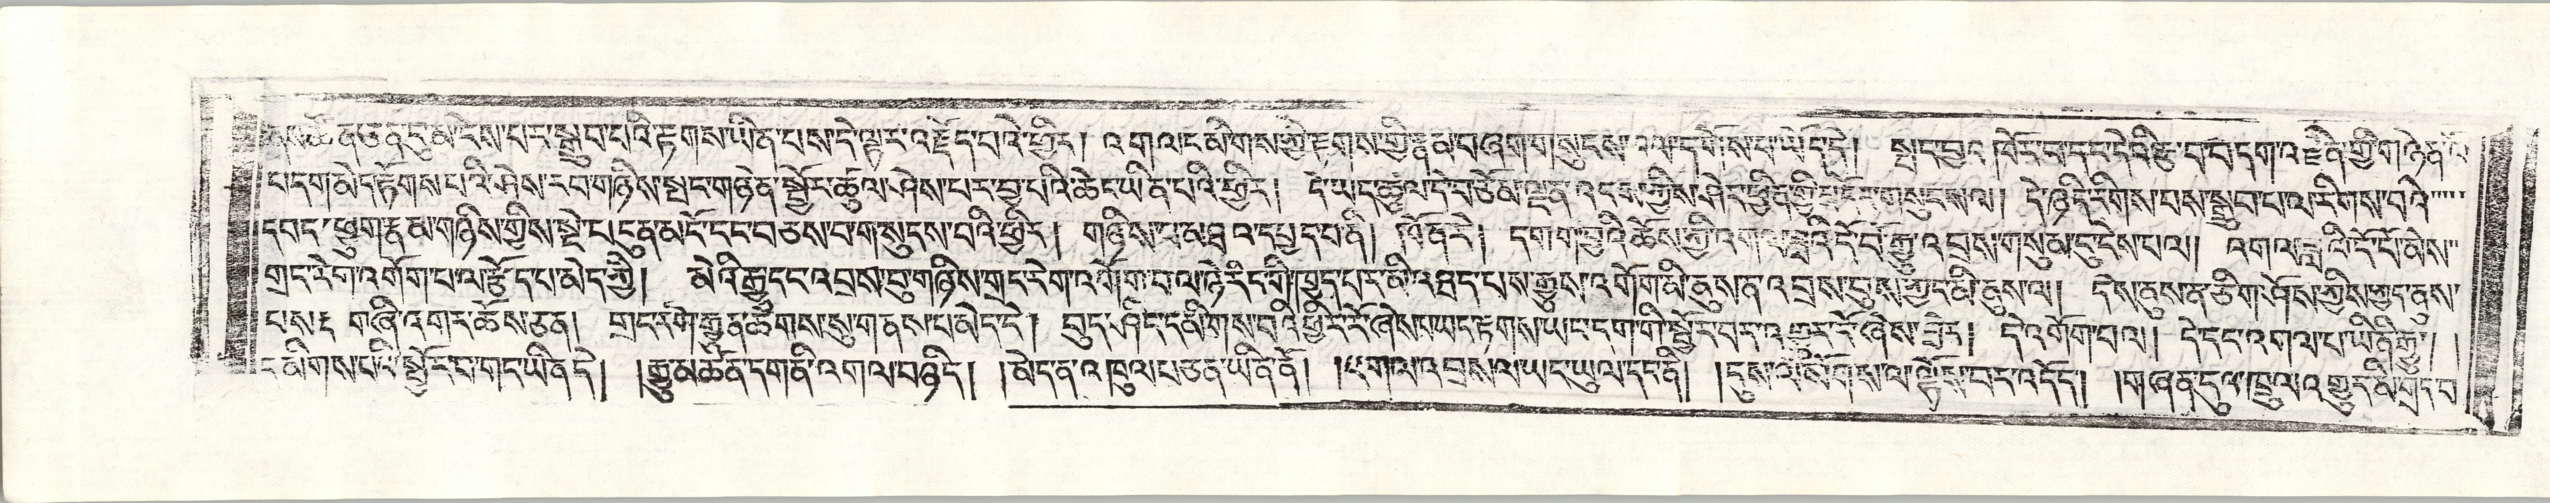ནས་ཚོན་ཅན་དུ་མ་ངེས་པར་སྒྲུབ་པའི་རྟགས་ཡིན་པས་དེ་ལྟར་བརྗོད་པའི་ཕྱིར། འགལ་དམིགས་ཀྱི་རྟགས་གྱི་རྣམ་བཞག་གསུངས་པ་ལ་དགོས་པ་ཡོད་དེ། སྤང་བྱ་འཁོར་བ་དང་དེའི་རྩ་བ་བདག་འཛིན་གྱི་གཉེན་པོ་
བདག་མེད་རྟོགས་པའི་ཤེས་རབ་གཉིས་སྤང་གཉེན་སྦྱོར་ཚུལ་ཤེས་པར་བྱ་བའི་ཆེད་ཡིན་པའི་ཕྱིར། དེ་ཡང་ཚུལ་དེ་བཅོམ་ལྡན་འདས་ཀྱིས་ཤེར་ཕྱིན་གྱི་མདོར་གསུངས་ལ། དེ་ཉིད་རིགས་པས་སྒྲུབ་པ་ལ་རིགས་པའི་
དབང་ཕྱུག་རྣམ་གཉིས་གྱིས་སྡེ་བདུན་མདོ་དང་བཅས་པ་གསུངས་པའི་ཕྱིར། གཉིས་པ་མཐའ་དཔྱད་པ་ནི། ཁོ་ན་རེ། དགག་བྱའི་ཆོས་ཀྱི་འགལ་ཟླའི་ངོ་བོ་རྒྱུ་འབྲས་གསུམ་དུ་ངེས་པ་ལ། འགལ་ཟླའི་ངོ་བོ་མེས་
གྲང་རེག་འགོག་པ་ལ་རྩོད་པ་མེད་ཀྱི། མེའི་རྒྱུ་དང་འབྲས་བུ་གཉིས་གྲང་རེག་འགོག་པ་ལ་ཉེ་རིང་གི་ཁྱད་པར་མི་འཐད་པས་རྒྱུས་འགོག་མི་ནུས་ན་འབྲས་བུས་ཀྱང་མི་ནུས་ལ། དེས་ནུས་ན་ཅིག་ཤོས་ཀྱིས་ཀྱང་ནུས་
པས་གཞི་འགར་ཆོས་ཅན། གྲང་རེག་རྒྱུན་ཆགས་སུ་གནས་པ་མེད་དེ། བུད་ཤིང་དམིགས་པའི་ཕྱིར་རོ་ཞེས་པ་ཡང་རྟགས་ཡང་དག་གི་སྦྱོར་བར་འགྱུར་རོ་ཞེས་ཟེར། དེ་འགོག་པ་ལ། དེ་དང་འགལ་བ་ཡི་ནི་རྒྱུ། །
དམིགས་པའི་སྦྱོར་བ་གང་ཡིན་དེ། །རྒྱུ་མཚན་དག་ནི་འགལ་བ་ཉིད། །མེད་ན་འཁྲུལ་བ་ཅན་ཡིན་ནོ། །འགལ་འབྲས་ལ་ཡང་ཡུལ་དང་ནི། །དུས་ལ་སོགས་ལ་ལྟོས་པར་འདོད། །གཞན་དུ་འཁྲུལ་འགྱུར་མི་གྲང་བ། །